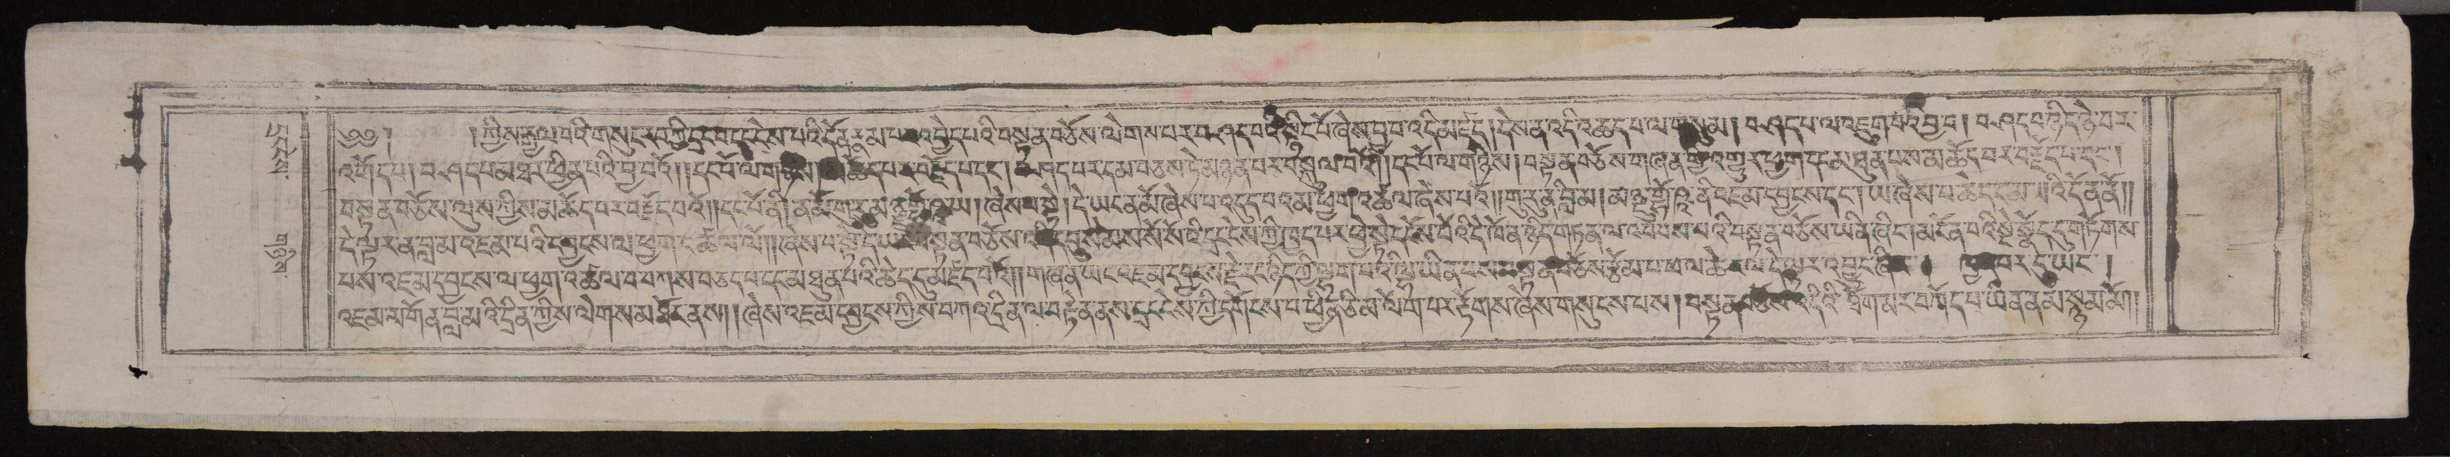༄༅། །ཀྱིས་རྒྱལ་བའི་གསུང་རབ་ཀྱི་དྲང་བ་དང་ངེས་པའི་དོན་རྣམ་པར་འབྱེད་པའི་བསྟན་བཅོས་ལེགས་པར་བཤད་པའི་སྙིང་པོ་ཞེས་བྱ་བ་འདི་མཛད། དེས་ན་འདི་འཆད་པ་ལ་གསུམ། བཤད་པ་ལ་འཇུག་པའི་བྱ་བ། བཤད་པ་ཉིད་ཉེ་བར་
འགོད་པ། བཤད་པ་མཐར་ཕྱིན་པའི་བྱ་བའོ། །དང་པོ་ལ་གཉིས། མཆོད་པར་བརྗོད་པ་དང་། བཤད་པར་དམ་བཅས་ཏེ་མཉན་པར་བསྐུལ་བའོ། །དང་པོ་ལ་གཉིས། བསྟན་བཅོས་གཞན་གྱི་འགྱུར་ཕྱག་དང་མཐུན་པས་མཆོད་པར་བརྗོད་པ་དང་།
བསྟན་བཅོས་ལུས་ཀྱིས་མཆོད་པར་བརྗོད་པའོ། །དང་པོ་ནི། ན་མོ་གུ་རུ་མཉྫུ་གྷོ་ཥཱ་ཡ། ཞེས་པ་སྟེ། དེ་ཡང་ན་མོ་ཞེས་པ་འདུད་པའམ་ཕྱག་འཚལ་ཞེས་པའོ། །གུ་རུ་ནི་བླ་མ། མཉྫུ་གྷོ་ཥཱ་ནི་འཇམ་དབྱངས་དང་། ཡ་ཞེས་པ་ཆེད་དམ་ལའི་དོན་ནོ།།
དེ་ལྟར་ན་བླ་མ་འཇམ་པའི་དབྱངས་ལ་ཕྱག་འཚལ་ལོ། །ཞེས་པ་སྟེ་དེ་ཡང་བསྟན་བཅོས་འདི་དབུ་སེམས་སོ་སོའི་དྲང་ངེས་ཀྱི་ཁྱད་པར་ཕྱེ་སྟེ་དངོས་པོའི་དེ་ཁོ་ན་ཉིད་གཏན་ལ་འབབས་པའི་བསྟན་བཅོས་ཡིན་ཞིང་། མངོན་པའི་སྡེ་སྣོད་དུ་གཏོགས་
པས་འཇམ་དབྱངས་ལ་ཕྱག་འཚལ་བ་བཀས་བཅད་པ་དང་མཐུན་པའི་ཆེད་དུ་མཛད་པའོ། །གཞན་ཡང་འཇམ་དབྱངས་རྗེ་རང་ཉིད་ཀྱི་ལྷག་པའི་ལྷ་ཡིན་པས་བསྟན་བཅོས་རྩོམ་པ་ཕལ་ཆེར་ལ་དེ་ལྟར་འབྱུང་ཞིང་། ཁྱད་པར་དུ་ཡང་།
འཇམ་མགོན་བླ་མའི་དྲིན་གྱིས་ལེགས་མཐོང་ནས། །ཞེས་འཇམ་དབྱངས་ཀྱིས་བཀའ་དྲིན་ལ་བརྟེན་ནས་དྲང་ངེས་ཀྱི་དགོངས་པ་ཕྱིན་ཅི་མ་ལོག་པར་རྟོགས་ཞེས་གསུངས་པས། བསྟན་བཅོས་འདིའི་ཐོག་མར་བཀོད་པ་ཡིན་ནམ་སྙམ་མོ། །